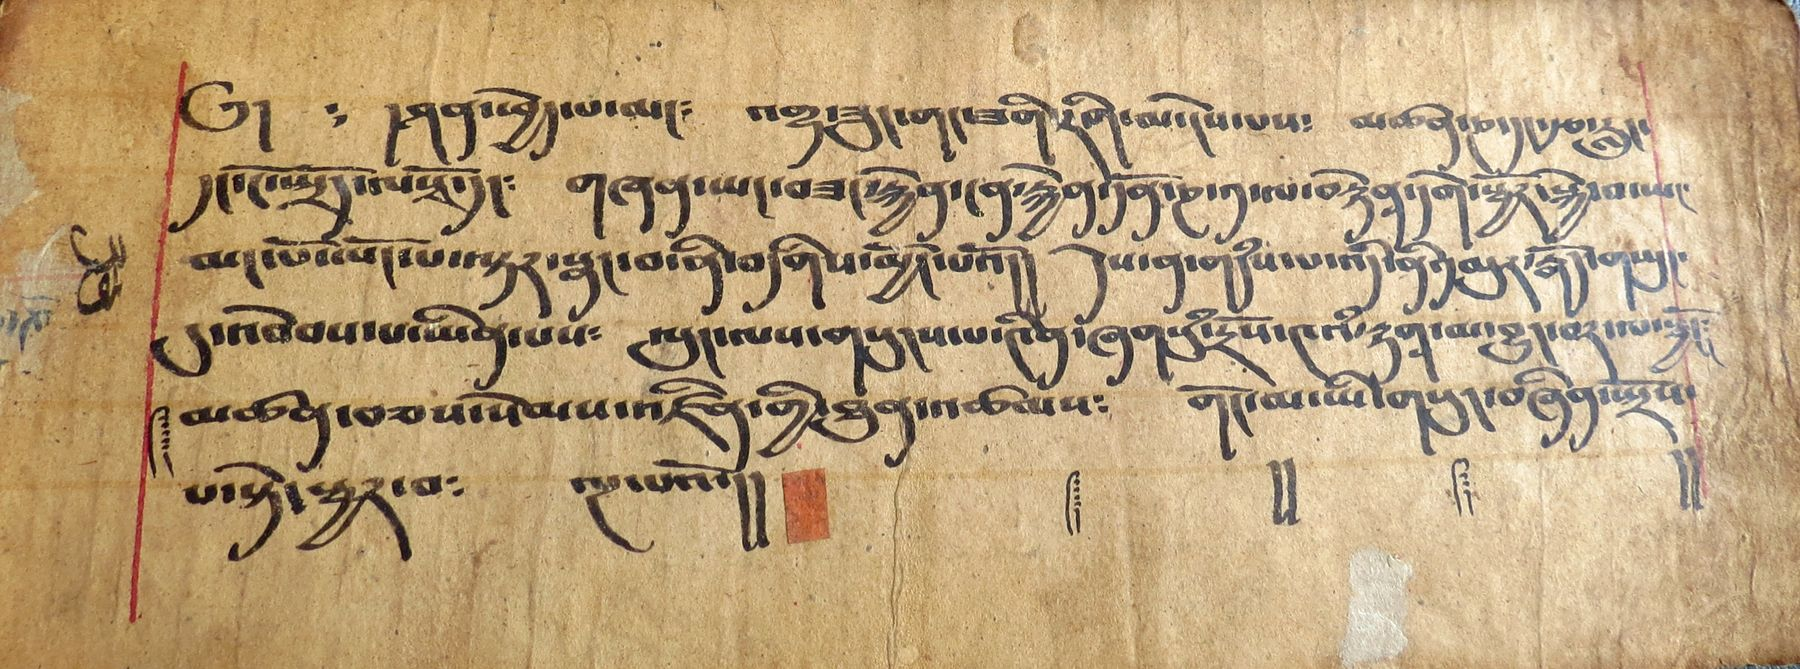ཤན་ཕྱེད་པ་མང་། འགའ་ཟུང་གང་ཟག་གི་རིགས་མ་ངེས་པས་མཚན་མེད་དང་། རྩ་རླུང་
དང་། ངོ་སྤྲོད་ལ་སོགས་དང་། གཞན་ཡང་བཟང་རྐྱེན་ངན་རྐྱེན་དོན་མེད་གཅིག་ལ་བརྟེན་ནས་དགེ་སྦྱོར་སྐྱེ་བ་ཡང་
མང་པོ་ཡོང་བ་ལྟར་སྣང་བ་ནི་བདག་གིས་མྱོང་བའོ། དེས་ན་གདམས་པ་འདི་ནི་དམུ་རྒོད་གཡུང་
དུ་འབེབ་པ་ཡིན་པས། ལུང་ལས་གསུངས་པ་བཞིན་ཞག་གསུམ་གྲོས་བཞིའམ། རྟགས་མ་བྱུང་བར་ལ་སྦྱང་ངོ་། 
མཚན་བཅས་སེམས་འཛིན་གྱི་ཐུན་མཚམས་གོང་མའི་གསུངས་བཞིན་སྤྲོས་
ཏེ་སྦྱར་བ་ལྔ་པའོ། །